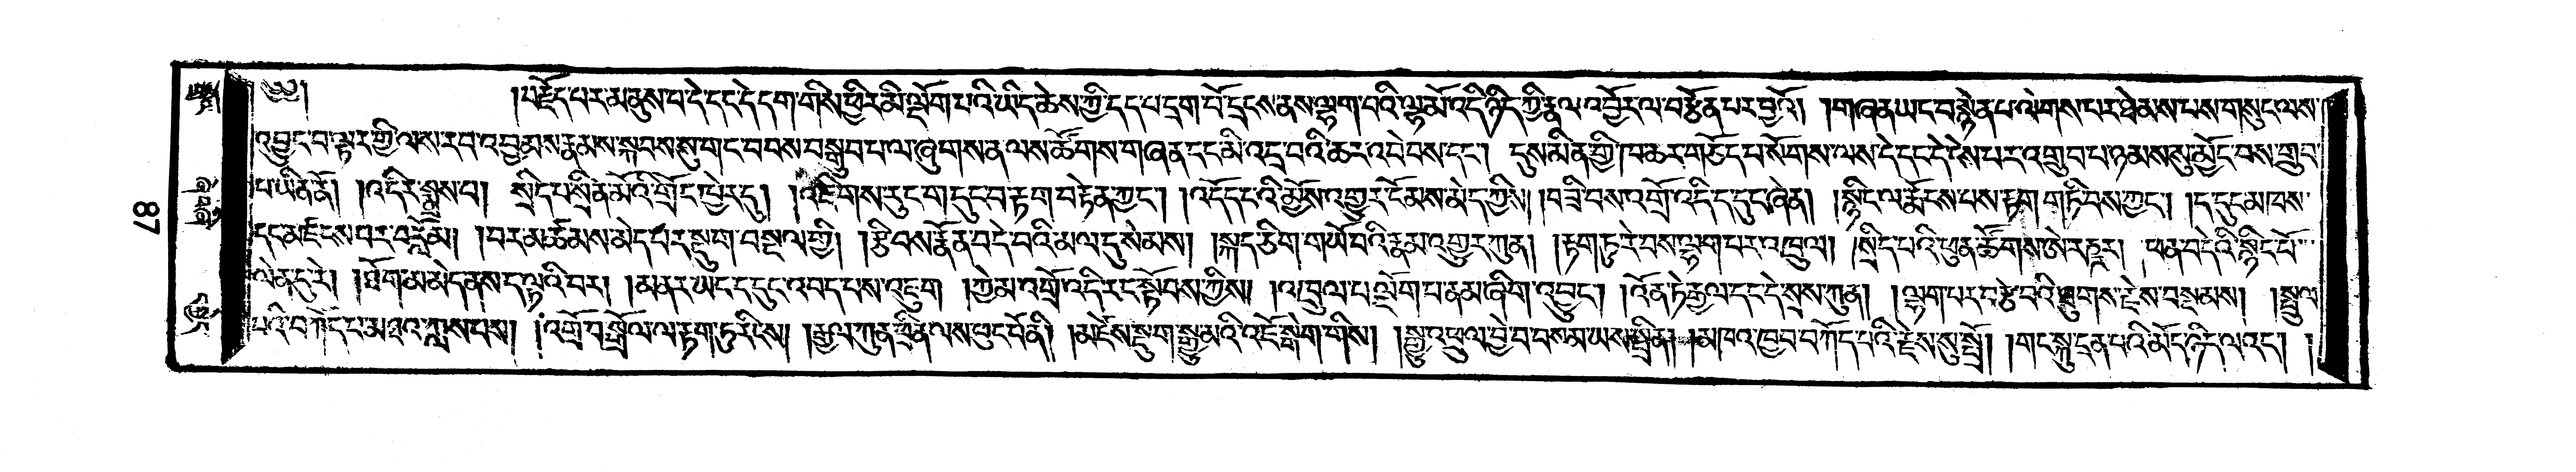༄༅། །བརྗོད་པར་མ་ནུས་པ་དེ་དང་དེ་དག་གིས་ཕྱིར་མི་ལྡོག་པའི་ཡིད་ཆེས་ཀྱི་དད་པ་དྲག་པོ་དྲངས་ནས་ལྷག་པའི་ལྷ་མོ་འདི་ཉིད་ཀྱི་རྣལ་འབྱོར་ལ་བརྩོན་པར་བྱའོ། །གཞན་ཡང་བསྙེན་པ་ལེགས་པར་ཐེམས་པས་གསུང་ལས་
འབྱུང་བ་ལྟར་གྱི་ལས་རབ་འབྱམས་རྣམས་སྐབས་སུ་གང་བབས་བསྒྲུབ་པ་ལ་ཞུགས་ན་ལས་ཚོགས་གཞན་དང་མི་འདྲ་བའི་ཆར་འབེབས་དང་། དུས་མིན་གྱི་ཁ་ཆར་གཅོད་པ་སོགས་ལས་དེ་དང་དེ་ངེས་པར་འགྲུབ་པ་ཉམས་སུ་མྱོང་བས་གྲུབ་
པ་ཡིན་ནོ། །འདིར་སྨྲས་པ། སྲིད་པ་སྲིན་མོའི་གྲོང་ཁྱེར་དུ། །འཇིགས་རུང་གདུང་བ་རྟག་བརྟེན་ཀྱང་། །འདོད་པའི་མྱོས་འགྱུར་ངོམས་མེད་ཀྱིས། །བཟི་བས་འགྲོ་འདི་ད་དུང་ཞེན། །སྙིང་ལ་རྨོངས་པས་རྟག་གཏིབས་ཀྱང་། །ད་དུང་མཁས་
དང་མཛངས་པར་བརློམ། །བར་མཚམས་མེད་པར་སྡུག་བསྔལ་གྱི། །རྩིབས་རྣོན་བདེ་བའི་མལ་དུ་སེམས། །སྐད་ཅིག་གཡོ་བའི་རྣམ་འགྱུར་ཀུན། །རྟག་ཏུ་རེ་བས་ལྷག་པར་འཁྲུལ། །སྲིད་པའི་ཕུན་ཚོགས་ཨེ་རཎྜར། །ཕན་བདེའི་སྙིང་པོ་
ལོན་དུ་རེ། །ཐོག་མ་མེད་ནས་ད་ལྟའི་བར། །མནར་ཀྱང་ད་དུང་འབད་པས་འཇུག །ཀྱེ་མ་འགྲོ་འདི་རང་སྟོབས་ཀྱིས། །འཁྲུལ་པ་ལྡོག་པ་ནམ་ཞིག་འབྱུང་། །འོན་ཏེ་རྒྱལ་དང་དེ་སྲས་ཀུན། །ལྷག་པར་བརྩེ་བའི་ཐུགས་རྗེས་བསྔམས། །སྤྲུལ་
པའི་བཀོད་པ་མཐའ་ཀླས་པས། །འགྲོ་བ་སྒྲོལ་ལ་རྟག་ཏུ་རིངས། །རྒྱལ་ཀུན་ཕྲིན་ལས་ཕུང་པོ་ནི། །མཛེས་སྡུག་སྒྱུ་མའི་འཇོ་སྒེག་གིས། །སྒྱུ་འཕྲུལ་བྱེ་བ་བསམ་ཡས་སྤྲིན། །མཁའ་ཁྱབ་བཀོད་པའི་རྗེས་སུ་སྤྲོ། །གང་སྐུ་དྲན་པའི་མོད་ཉིད་ལའང་། །